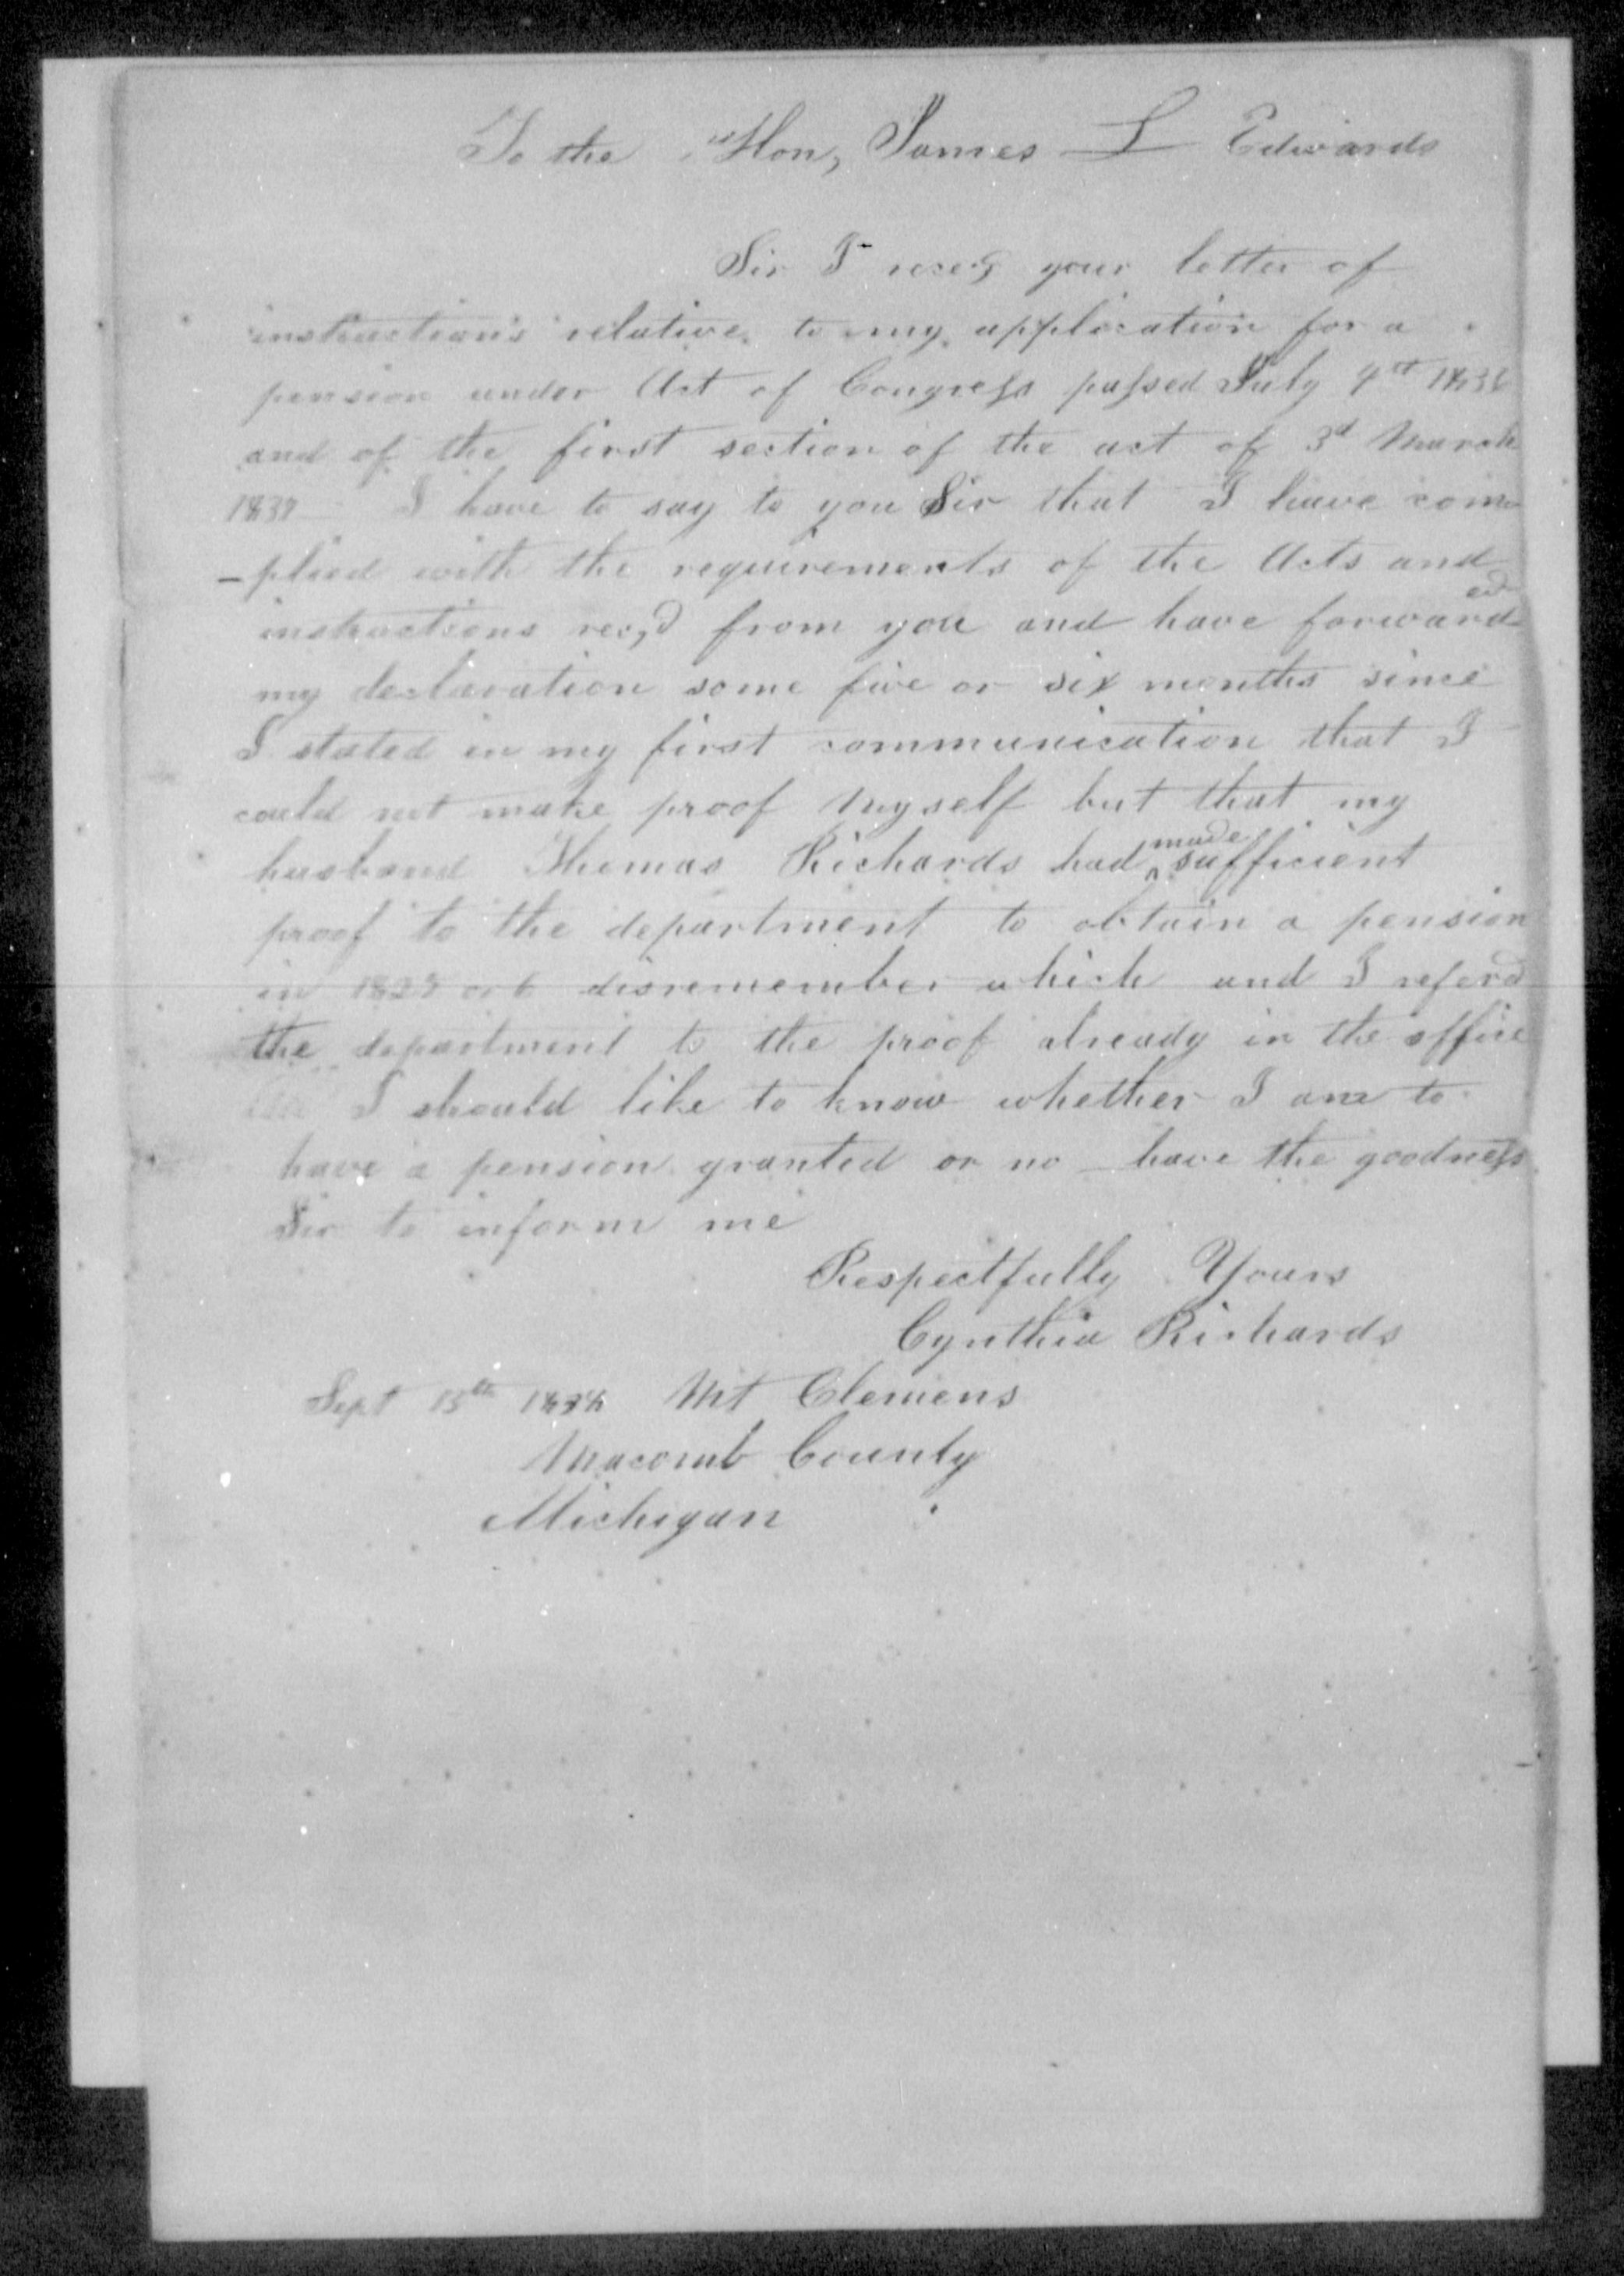To the Hon [HONORABLE], James L Edwards
Sir I rec'd [RECEIVED] your letter of
instructions relative to my application for a
pension under act of Congress passed July 4th 1836 and of the first section of the act of 3d March 1838 - I have to say to you Sir that I have complied with the requirements of the acts and instructions recd from you and have forwarded my declaration some five or six months since
I stated in my first communication that I
could not make proof myself but that my
husband Thomas Richards had made sufficient proof to the department to obtain a pension in 1823 or 6 [I] disremember which and I referd [REFERRED] the department to the proof already in the office I should like to know whether I am to have a pension granted or no - have the goodness Sir to inform me
Respectfully Yours
Cynthia Richards
Sept 13th 1838 Wit Clemens
Macomb County
Michigan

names: Thomas Richards; Cynthia Richards; James L Edwards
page: 36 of 109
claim: widow's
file: W. 5709, for Thomas Richards, New Hampshire